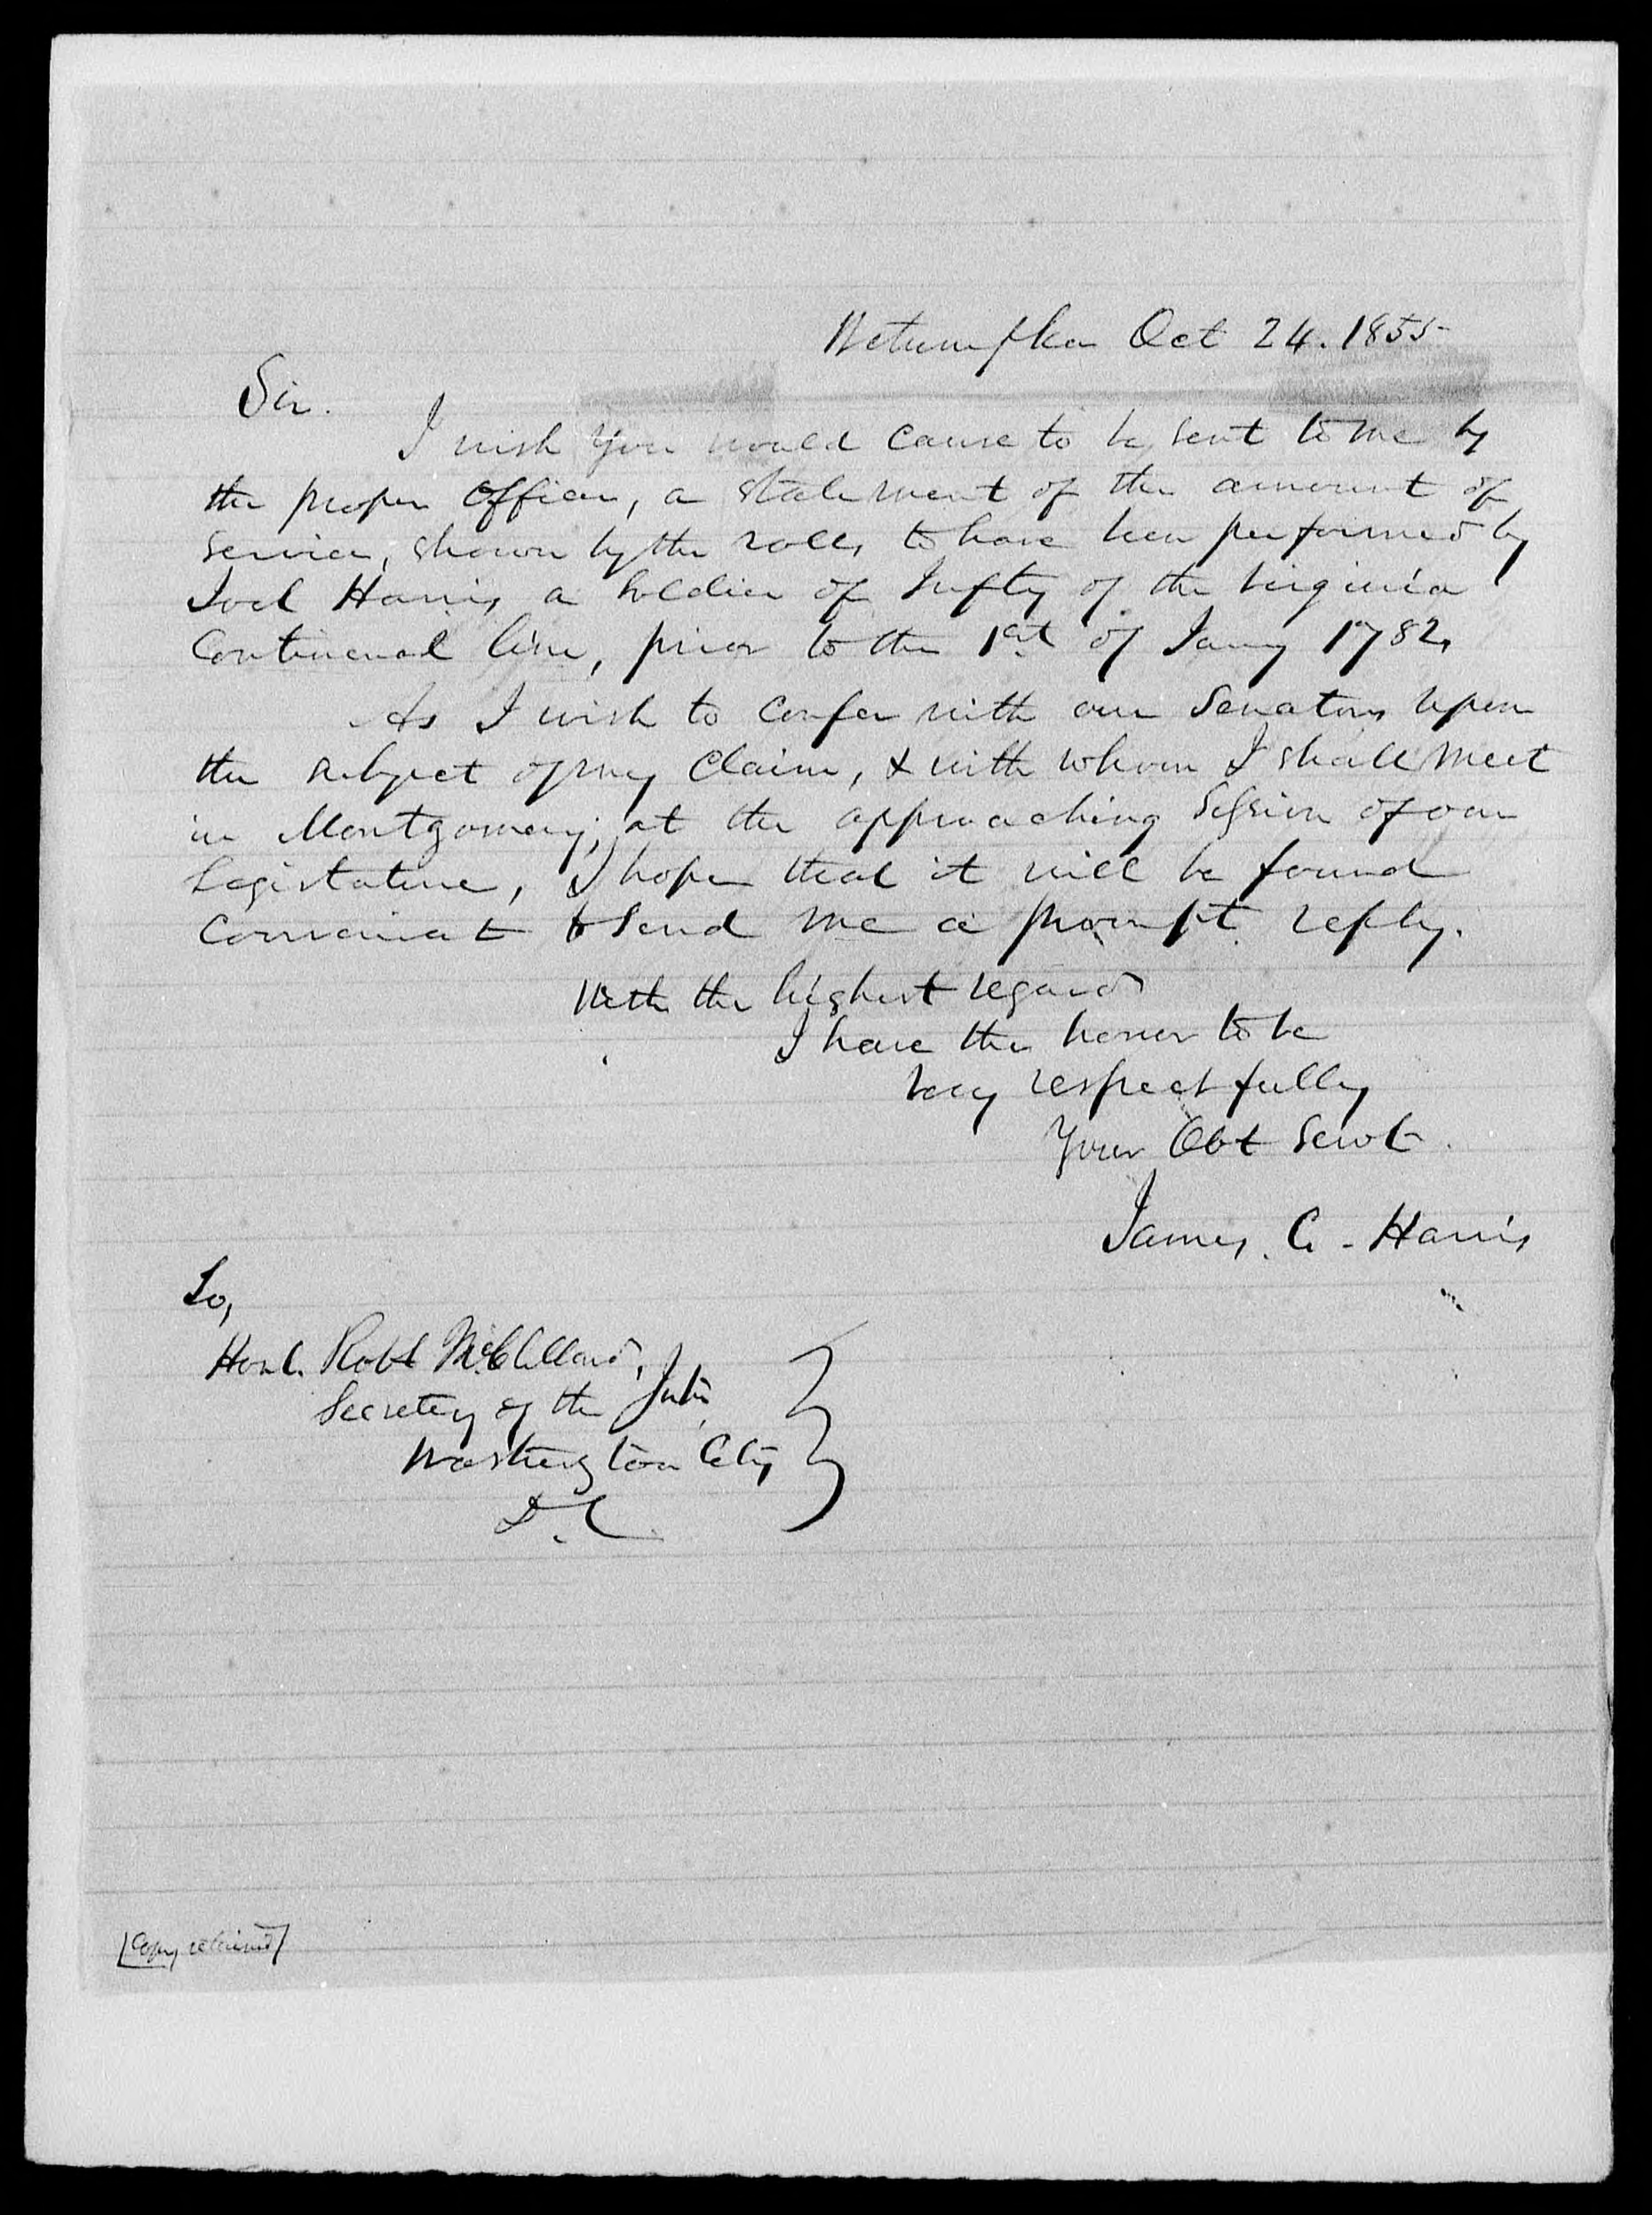Wetumpka Oct 24, 1855
Sir:
I wish you would cause to be sent to me by the proper officer, a statement of the amount of service, shown by the roll, to have been performed by Joel Harris, a soldier of Infty of the Virginia Continenal [sic] line, prior to the 1st of Jany 1782.
As I wish to confer with our Senators upon the subject of my claim, & with whom I shall meet in Montgomery, at the approaching session of our Legislature, I hope that it will be found convenient to send me a prompt reply.
With the highest regard
I have the honor to be
Very respectfully
Your Obt Servt
James C. Harris

To,
Honl. Robt McClelland
Secretary of the Intr
Washington City
D.C.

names: James C Harris, Robt Mc Clelland, Joel Harris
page: 52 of 160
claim: rejected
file: R. 4666, James Harris, Va.